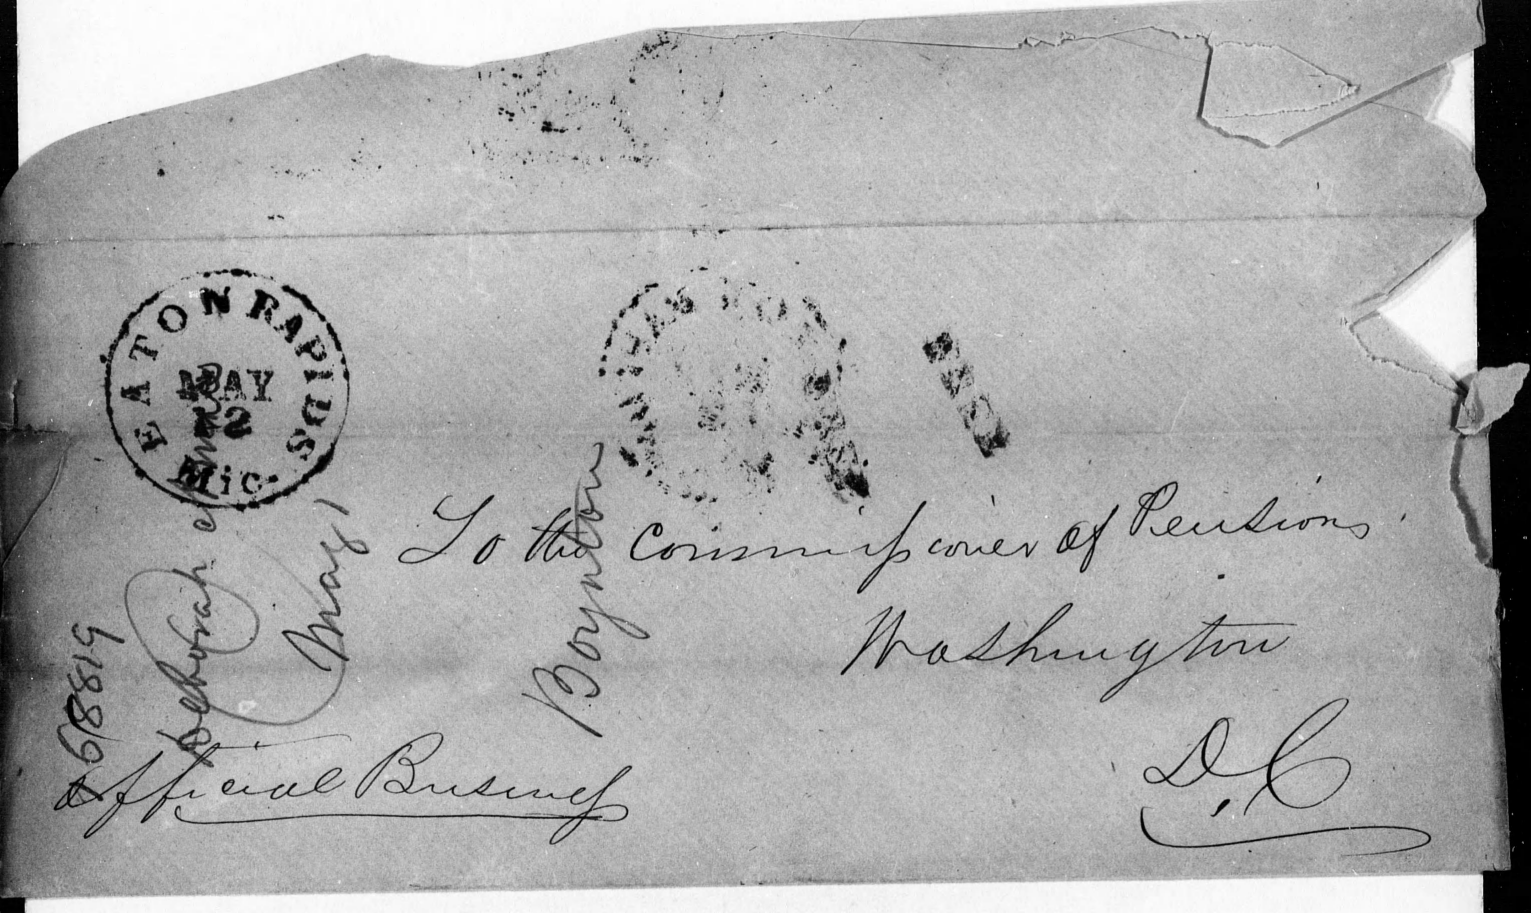To the commissioner of Pensions
Washington D.C.

official business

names: Deborah Annis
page: 8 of 9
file: B.L.Reg 168819-1855, Jacob Annis, [BLANK]